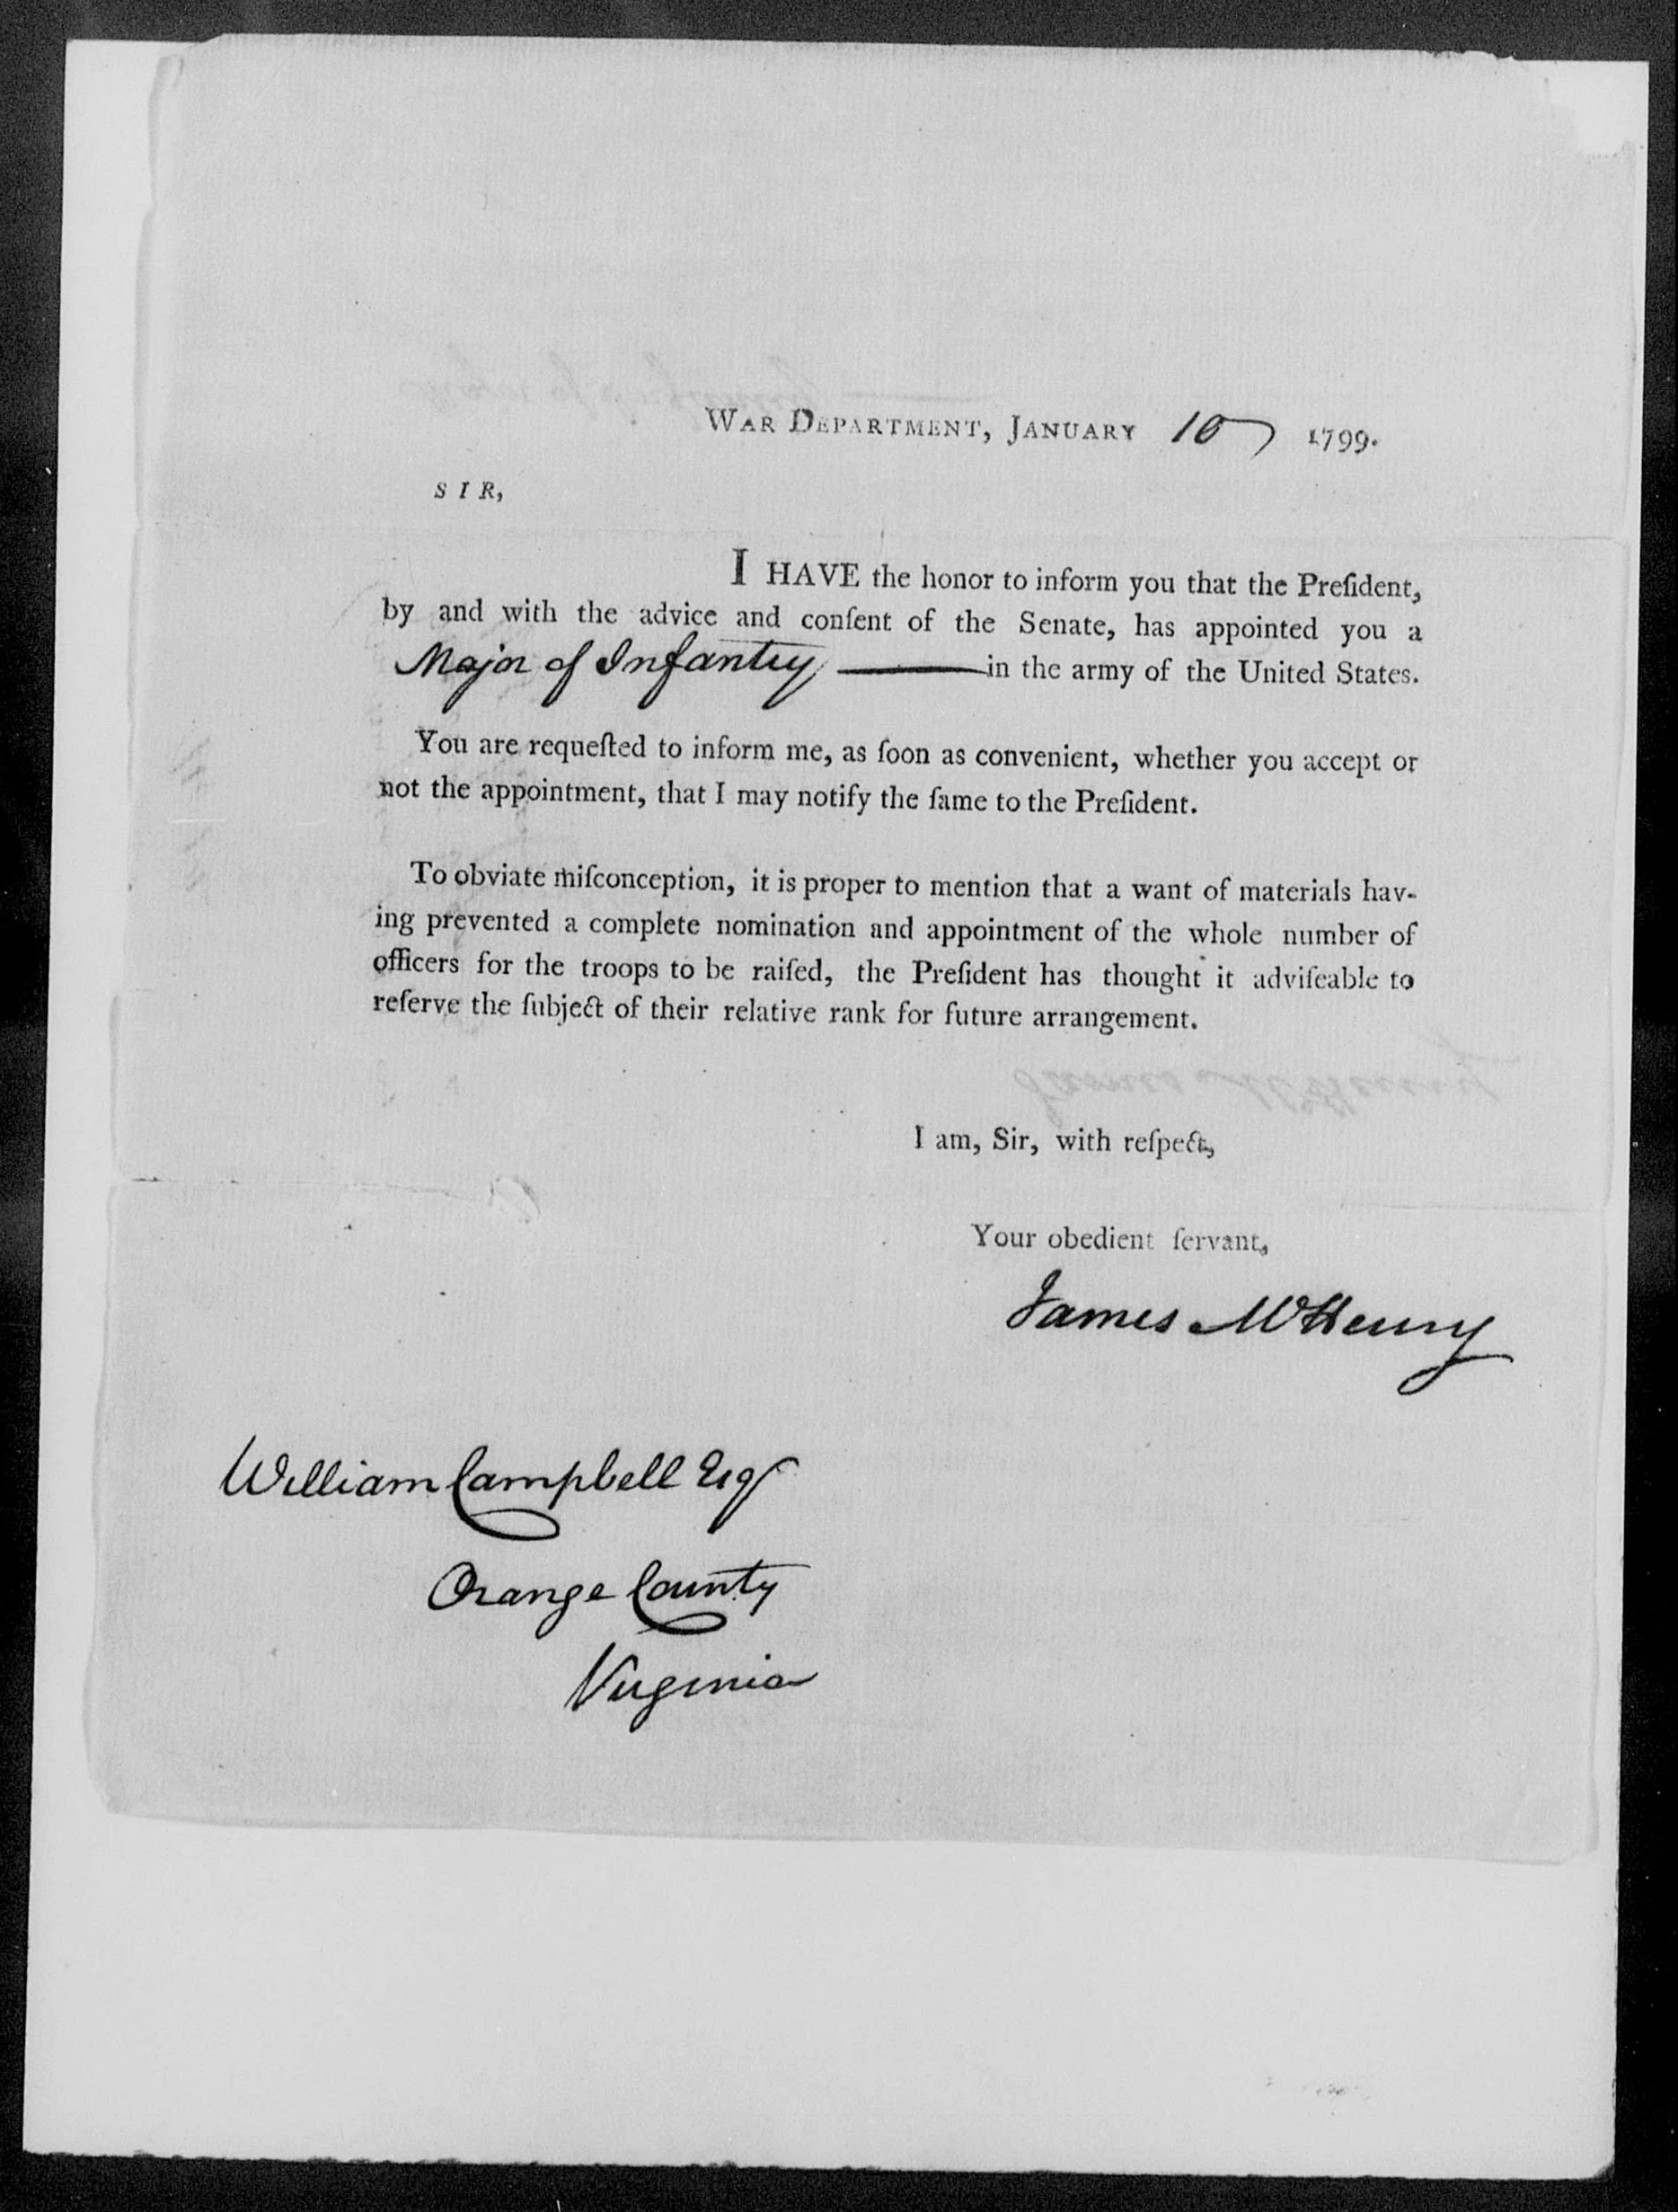WAR DEPARTMENT, JANUARY 10  1799.

SIR,
I HAVE the honor to inform you that the President, by and with the advice and consent of the Senate, has appointed you a Major of Infantry in the army of the United States.

You are requested to inform me, as soon as convenient, whether you accept or not the appointment, that I may notify the same to the President.

To obviate misconceptions, it is proper to mention that a want of materials having prevented a complete nomination and appointment of the whole number of officers for the troops to be raised, the President has thought it adviseable to reserve the subject of their relative rank for future arrangement.

I am, Sir, with respect,

Your obedient servant, 
James McHenry [signature]


William Campbell Esqr.
Orange County
Virginia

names: James Mc Henry, William Campbell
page: 67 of 267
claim: widow's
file: W. 4,149, William Campbell, Va.